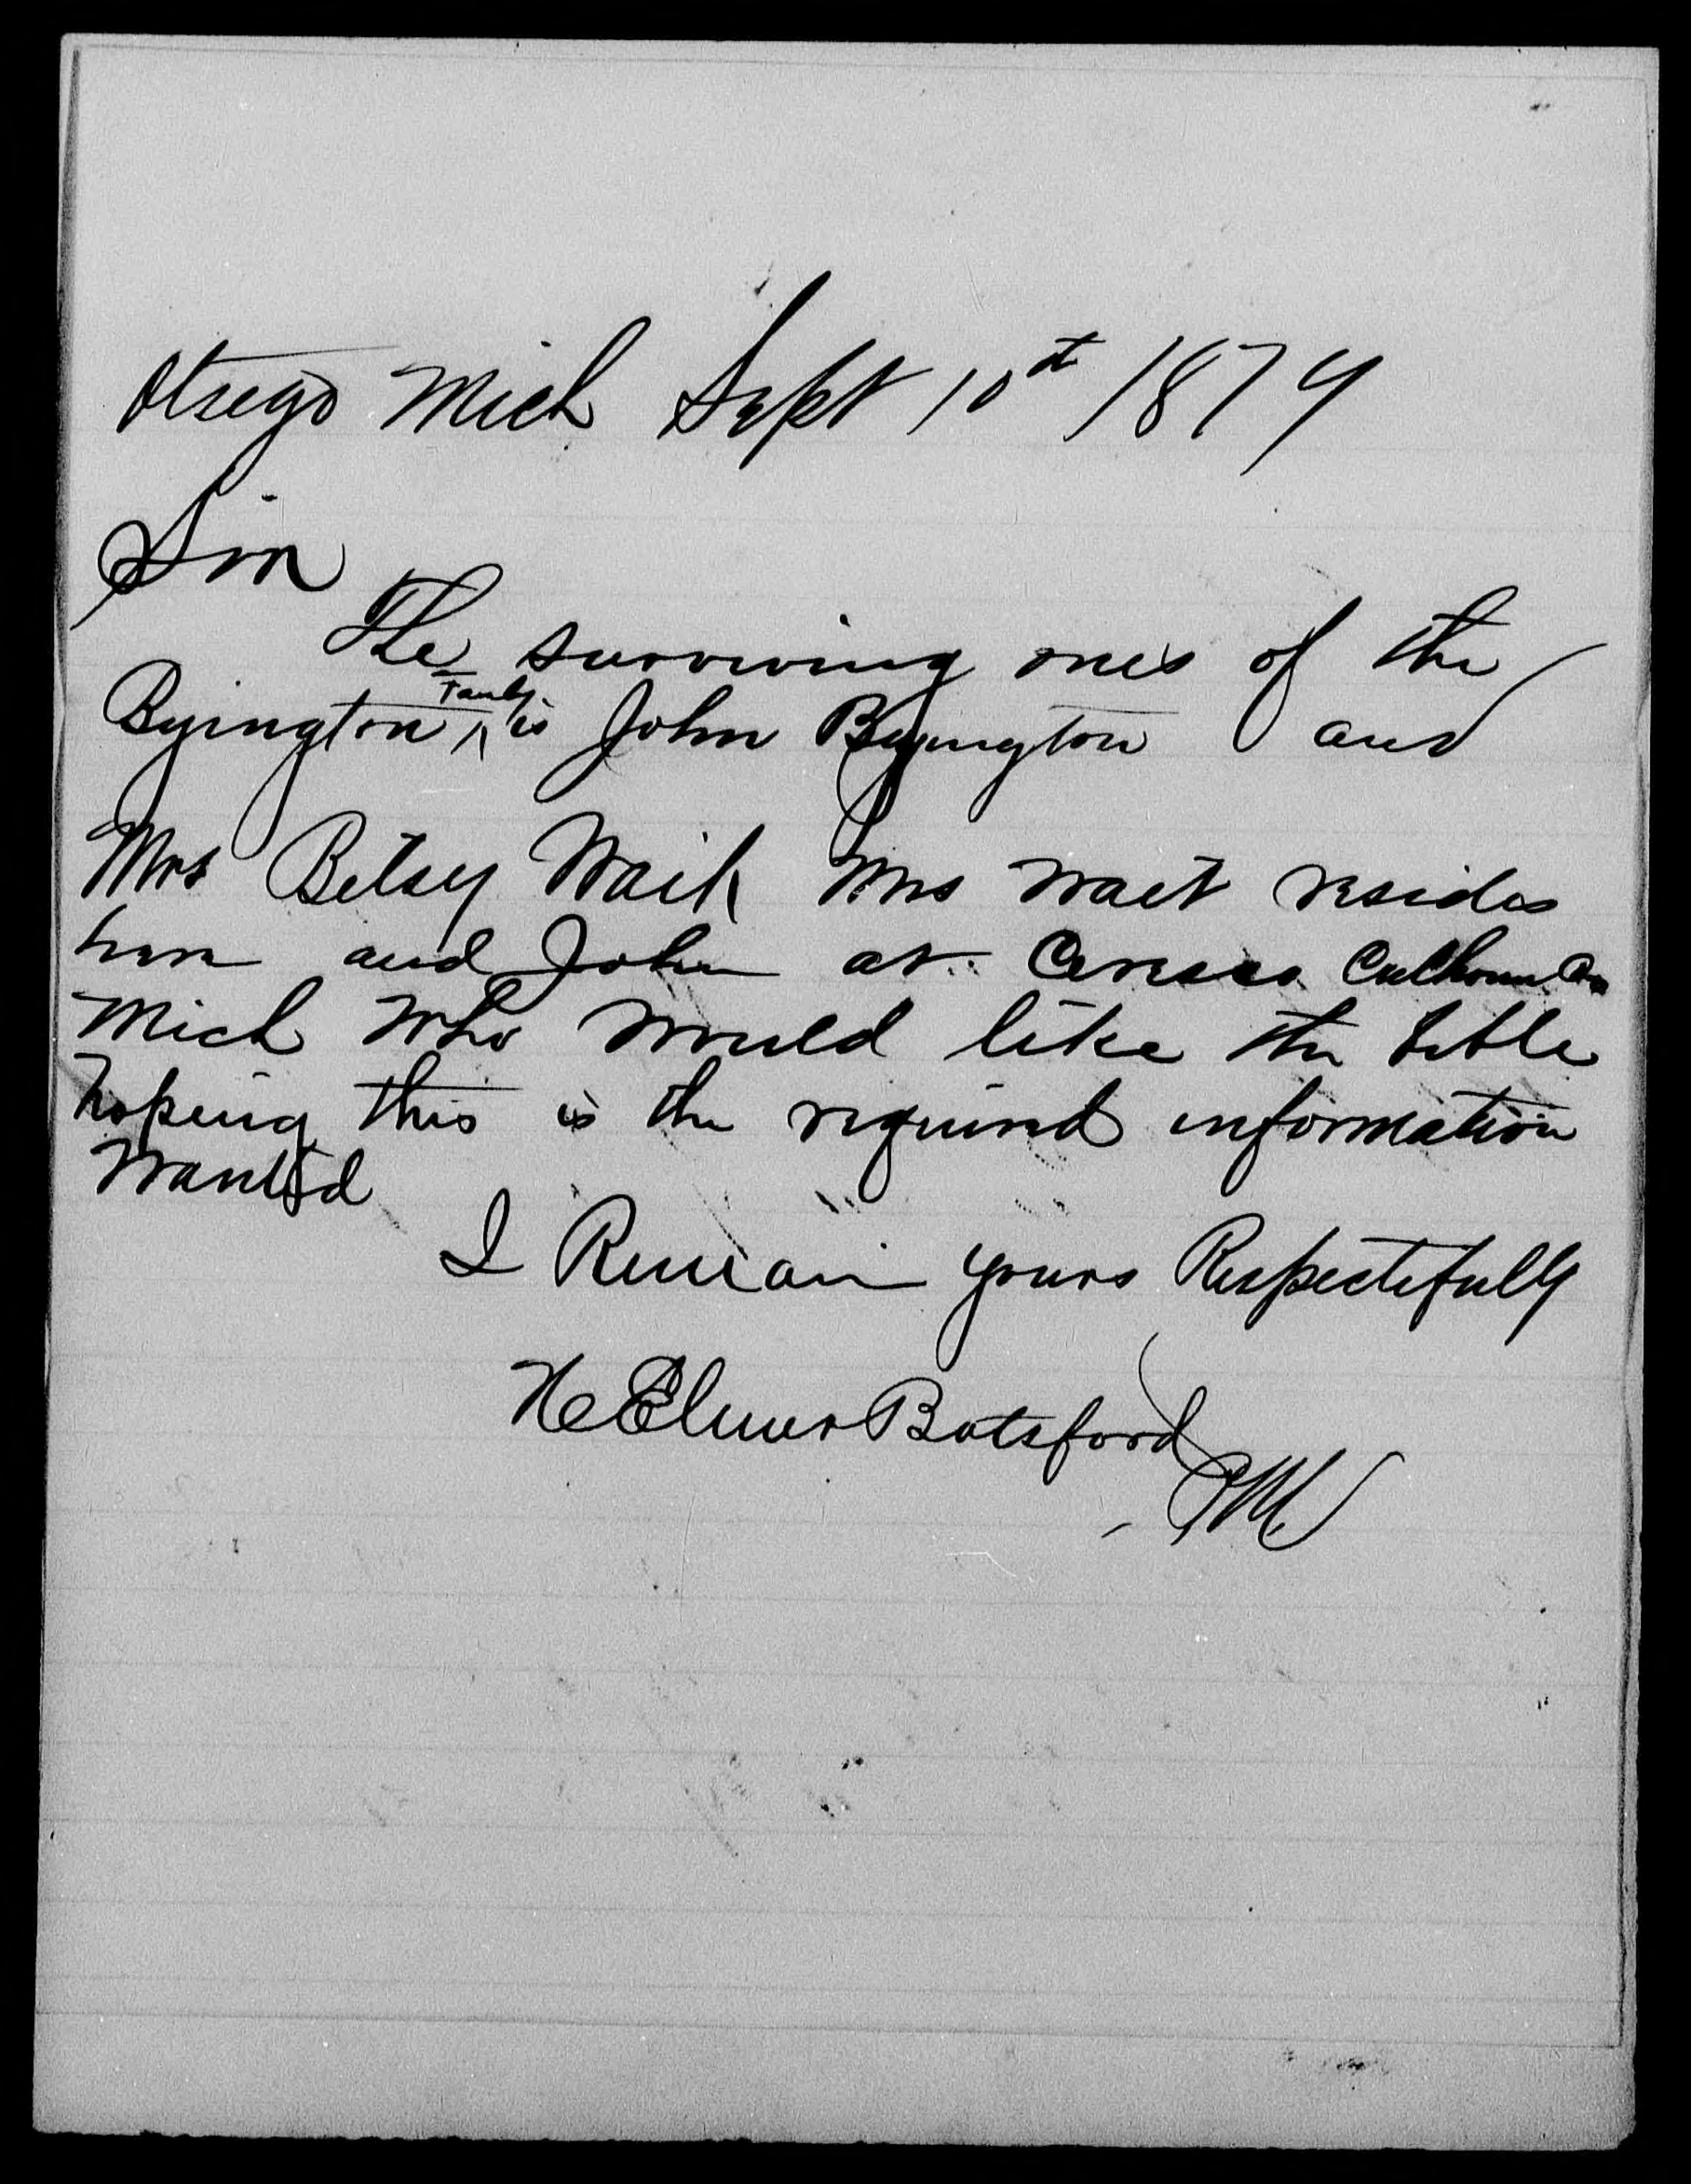Otsego Mich Sept 10th 1874

Sir
The surviving ones of the Byington Family is John Byington and Mrs. Betsy Mack Ms Mack resides here and John at [illegible] Calhoun Co Mich who would like the bible hoping this is the required information wanted.

I Remain yours Respectfully
H Elmer Batsford
[illegible]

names: H Elmer Batsford, Byington, Betsy Wait, John Byington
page: 14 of 79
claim: widow's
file: W. 23754, Justus Byington, Conn.